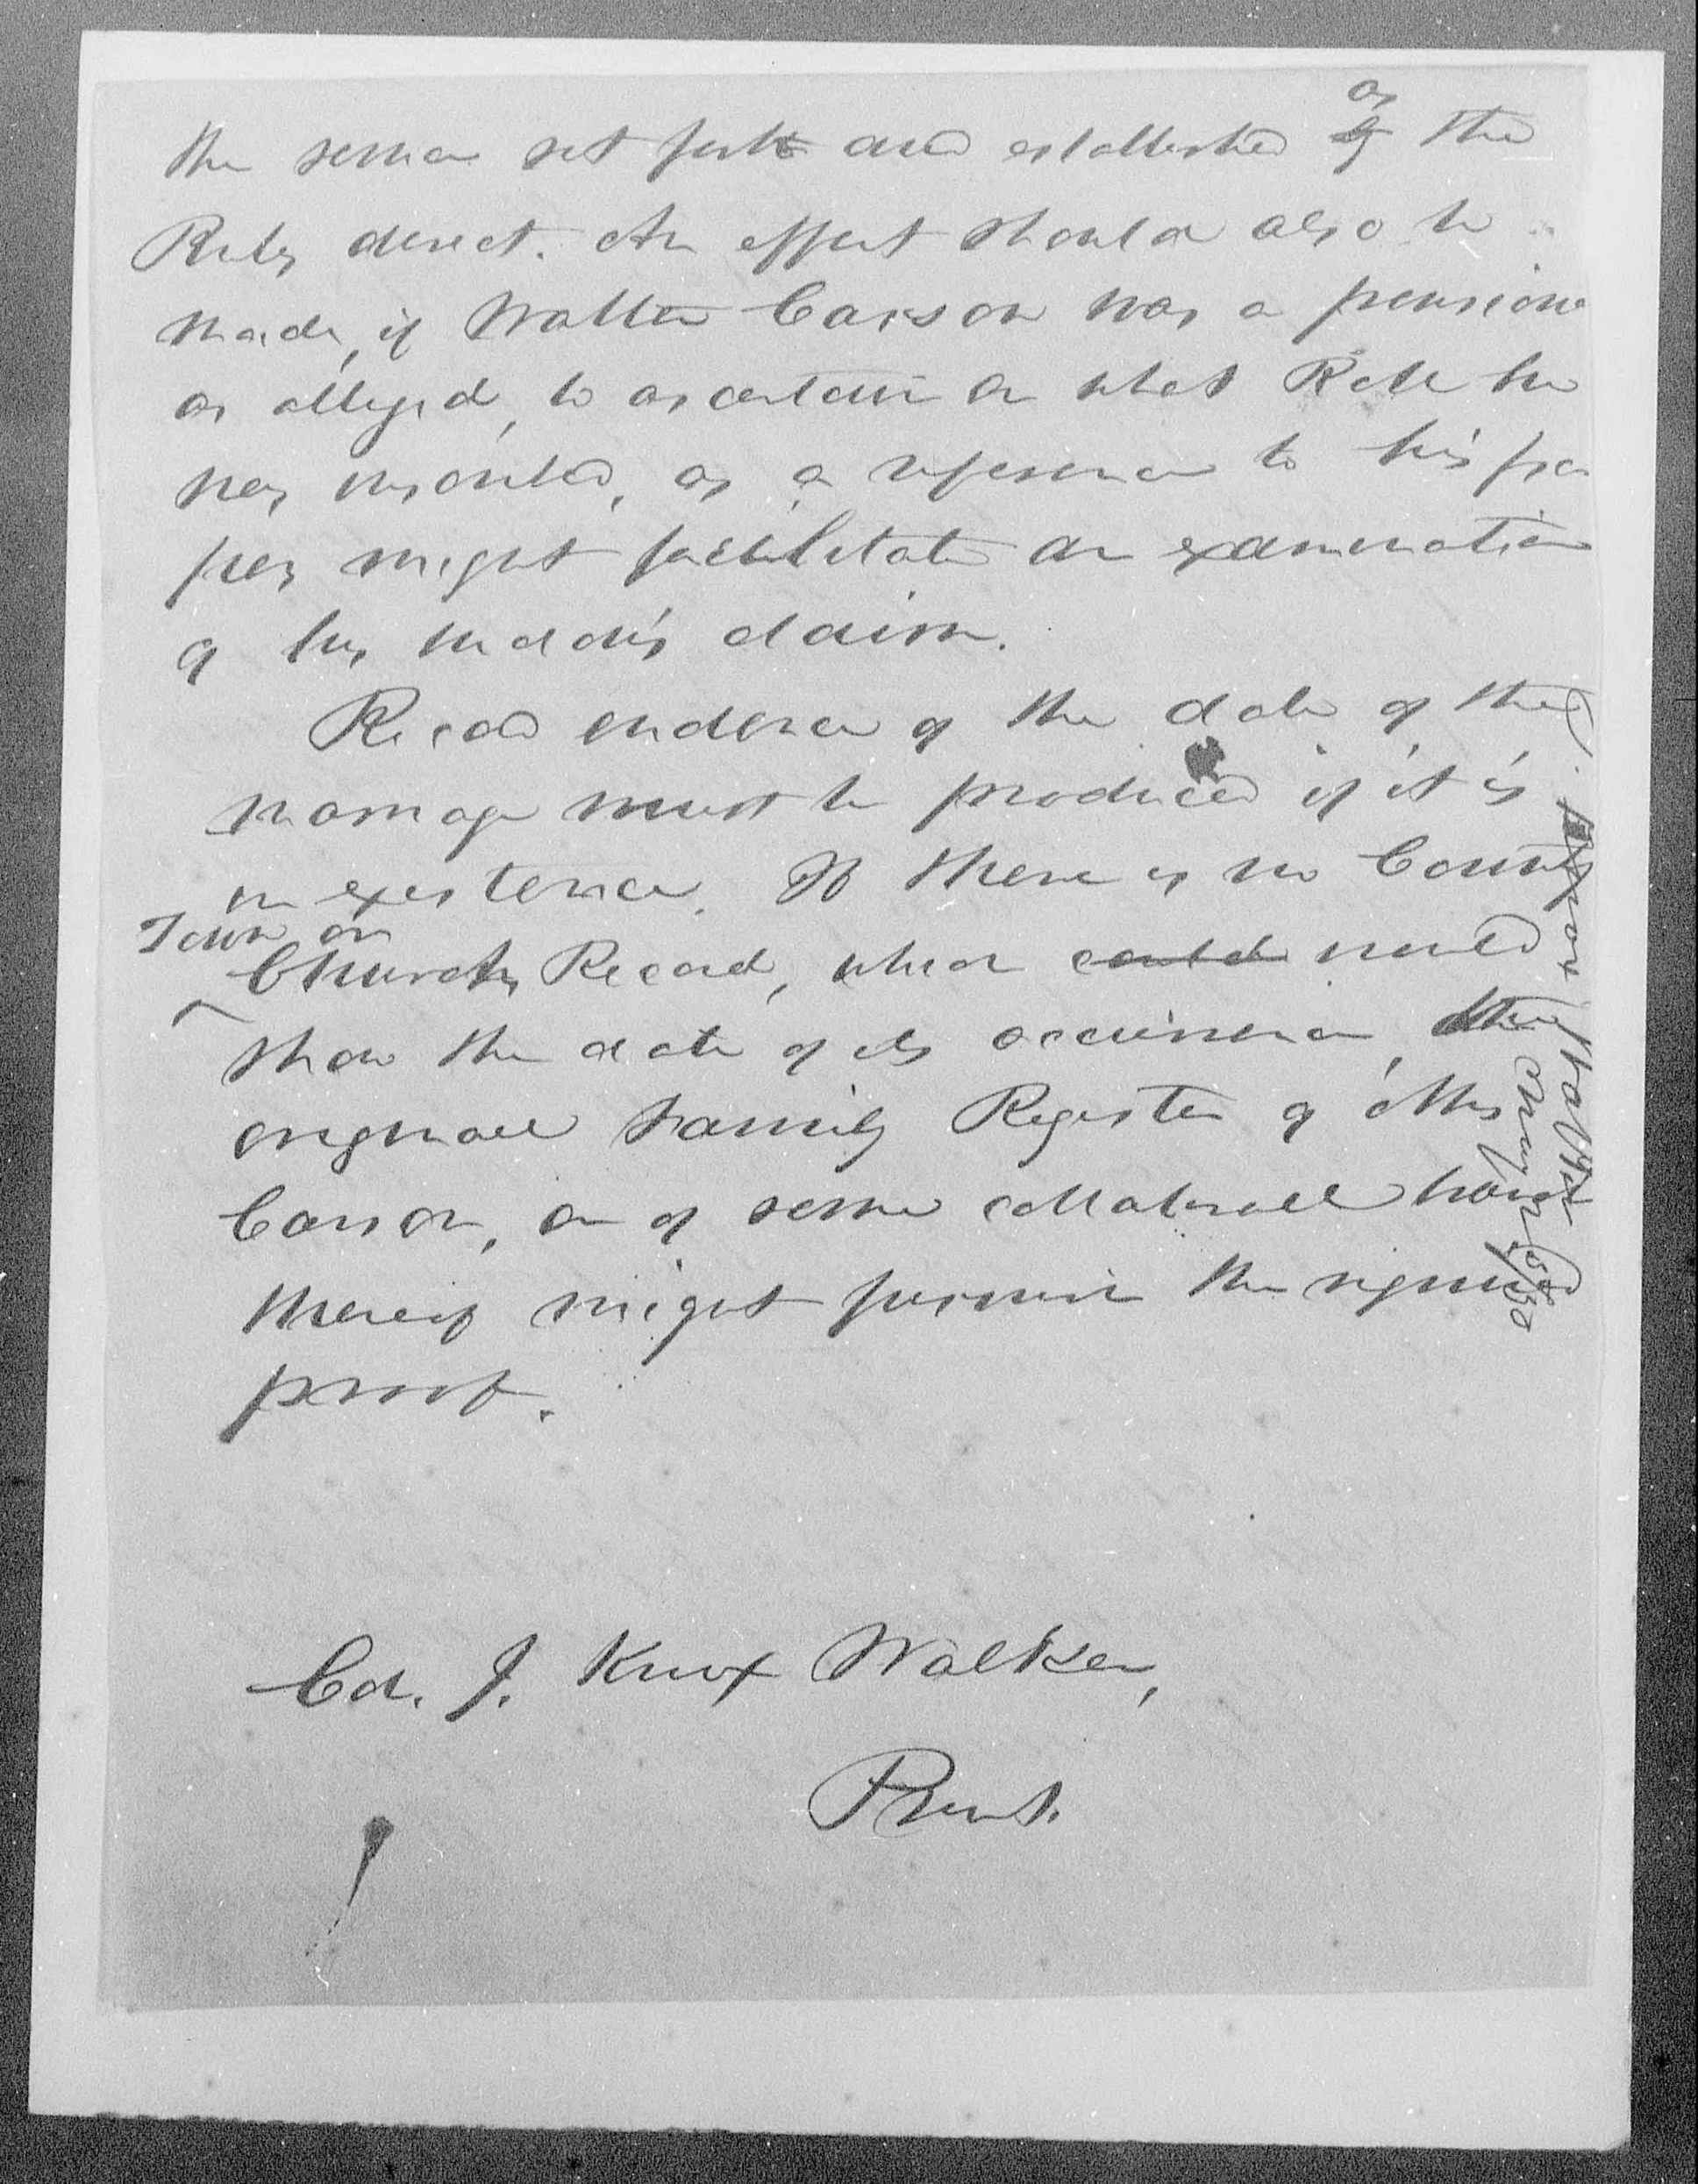the service set forth and established or the Rily direct. An effort should also be made, if Walter Carson was a pensioner as alleged, to ascertain as what Roll he was subscribed, as a reference to his papers might facilitate an examination of his mother's claim.
Record evidence of the date of the marriage must be produced if it is in existence. If there is no County Town or Church Record, which would show that the date of its occurrence, other engraved Family Register of Mrs Carson, or of some collaterall hard thereif proof might justify the required proof.
Col. J. Knox Walker
Pres.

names: Carson, J Knox Walker, Walter Carson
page: 32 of 34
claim: rejected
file: R. 1,738, Walter Carson, N.C. S.C.